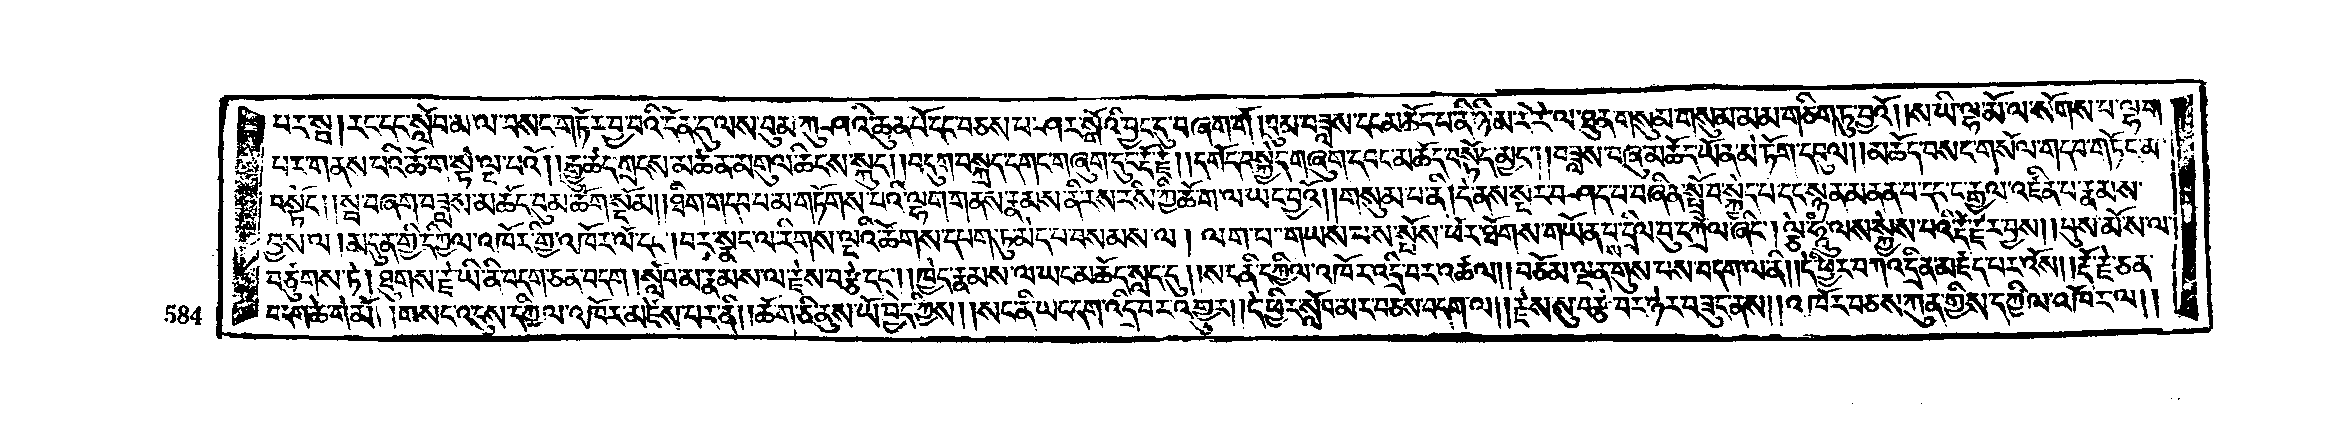པར་སྦ། རང་དང་སློབ་མ་ལ་བསང་གཏོར་བྱ་བའི་དོན་དུ་ལས་བུམ་ཀུ་ཤའི་ཆུན་པོ་དང་བཅས་པ་ཤར་སྒོའི་བྱང་དུ་བཞག་གོ །བུམ་བཟླས་དང་མཆོད་པ་ནི་ཉི་མ་རེ་རེ་ལ་ཐུན་གསུམ་གསུམ་མམ་གཅིག་ཏུ་བྱའོ། །ས་ཡི་ལྷ་མོ་ལ་སོགས་པ་ལྷག་
པར་གནས་པའི་ཆོ་ག་སྟེ་ལྔ་པའོ། །རྒྱུ་ཚད་གྲངས་མཚན་མགུལ་ཆིངས་སྐུད། །བདུག་བསྐྲད་དགང་གཞུག་དུང་རྡོ་རྗེ། །དགོད་བསྐྱེད་གཞུག་དབང་མཆོད་བསྟོད་མྱང་། །བཟླས་བཞུ་མཆོད་ཡོན་མེ་ཏོག་དབུལ། །མཆོད་བསང་གསོལ་གདབ་གཏོར་མ་
བསྟོད། །སྦ་བཞག་བཟླས་མཆོད་བུམ་ཆོག་སྡོམ། །ཐིག་གདབ་པ་མ་གཏོགས་པའི་ལྷག་གནས་རྣམས་ནི་རས་རིས་ཀྱི་ཆོ་ག་ལ་ཡང་བྱའོ། །གསུམ་པ་ནི། དེ་ནས་སྔར་བཤད་པ་བཞིན་སྤྲོ་བ་སྐྱེད་པ་དང་སྙན་མནན་པ་དང་ང་རྒྱལ་འཛིན་པ་རྣམས་
བྱས་ལ། མདུན་གྱི་དཀྱིལ་འཁོར་གྱི་འཁོར་ལོ་དང་། བར་སྣང་ལ་རིགས་ལྔའི་ཚོགས་དཔག་ཏུ་མེད་པ་བསམས་ལ། ལག་པ་གཡས་པས་སྤོས་ཕོར་ཐོགས་གཡོན་པས་དྲིལ་བུ་དཀྲོལ་ཞིང་། ལྕེ་ཧཱུཾ་ལས་སྐྱེས་པའི་རྡོ་རྗེར་བྱས། །པུས་མོ་ས་ལ་
བཙུགས་ཏེ། ཐུགས་རྗེ་ཡི་ནི་བདག་ཅན་བདག །སློབ་མ་རྣམས་ལ་རྗེས་བརྩེ་དང་། །ཁྱེད་རྣམས་ལ་ཡང་མཆོད་སླད་དུ། །སང་ནི་དཀྱིལ་འཁོར་འདྲི་བར་འཚལ། །བཅོམ་ལྡན་གུས་པས་བདག་ལ་ནི། །དེ་ཕྱིར་བཀའ་དྲིན་མཛད་པར་འོས། །རྡོ་རྗེ་ཅན་
བདག་ཆེ་གེ་མོ། །གསང་འདུས་དཀྱིལ་འཁོར་མཛེས་པར་ནི། །ཆོ་ག་ཅི་ནུས་ཡོ་བྱད་ཀྱིས། །སང་ནི་ཡང་དག་འདྲི་བར་འགྱུར། །དེ་ཕྱིར་སློབ་མར་བཅས་བདག་ལ། །རྗེས་སུ་བརྩེ་བར་ཉེར་བཟུང་ནས། །འཁོར་བཅས་ཀུན་གྱིས་དཀྱིལ་འཁོར་ལ། །